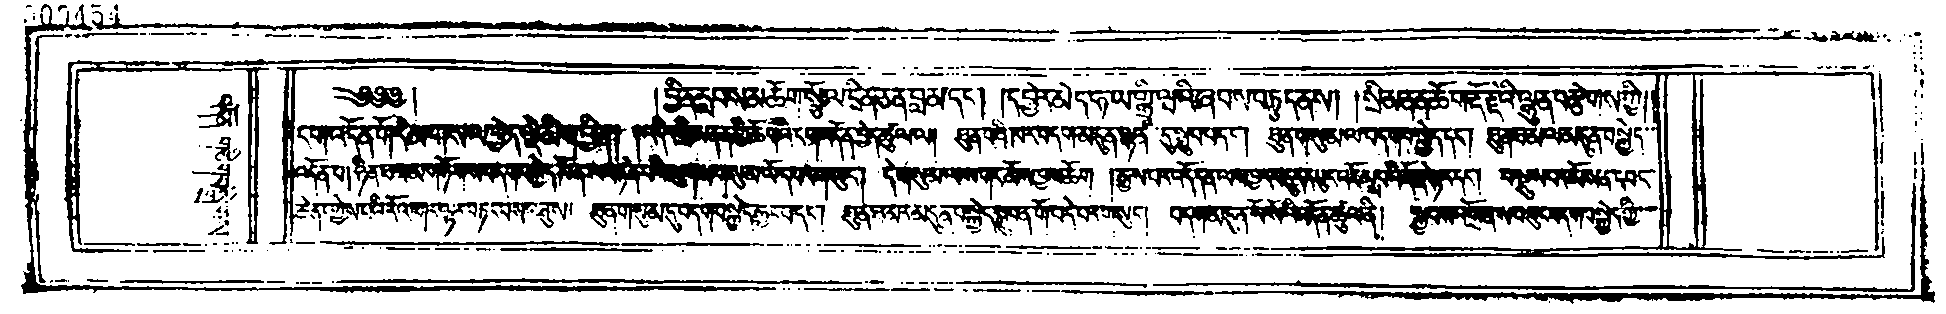༄༅༅། །བྱིན་རླབས་མཆོག་སྩོལ་དྲིན་ཅན་བླ་མ་དང་། །དབྱེར་མེད་ཧ་ཡ་གྷྲཱི་ཝའི་ཞབས་བཏུད་ནས། །སྲི་མནན་ཆོ་ག་རྡོ་རྗེའི་ལྷུན་བརྩེགས་ཀྱི། །
ངག་འདོན་གོ་རིམ་གསལ་བྱེད་ལྡེ་མིག་བྱིན། །འདིར་སྲི་མནན་གྱི་ཆོ་གའི་ངག་འདོན་བྱེད་ཚུལ་ལ། ཐུན་བཞི་ཁར་བདག་མདུན་ལྷན་དུ་སྒྲུབ་པ་དང་། ཐུན་གསུམ་ལ་བདག་བསྐྱེད་དང་། ཐུན་ཐ་མ་ལ་མདུན་བསྐྱེད་
འདོན་པ། ཉིན་ཐ་མ་མ་གཏོགས་བདག་བསྐྱེད་ཁོ་ན་ལ་བརྟེན་པའི་ལུགས་གསུམ་ཡོད་པར་གསུང་། དེ་གསུམ་ལས་གང་མོས་བྱས་ཆོག །རྒྱས་པར་འདོད་ན་ལས་བྱང་བདུད་དཔུང་འཇོམས་པའི་རྡོ་རྗེ་ལྟར་དང་། བསྡུས་པར་མོས་ན་དབང་
ཆེན་དགྱེས་པའི་རོལ་གར་ལྟར་བཏང་བས་འཐུས། ཐུན་གསུམ་དུ་བདག་བསྐྱེད་རྐྱང་བ་དང་། ཐུན་ཐ་མར་མདུན་བསྐྱེད་སྒྲུབ་ན་གོ་བདེ་བར་གསུང་། བདག་མདུན་སོ་སོའི་འདོན་ཚུལ་ནི། སྐྱབས་འགྲོ་ནས་བཟུང་བདག་བསྐྱེད་ཀྱི་